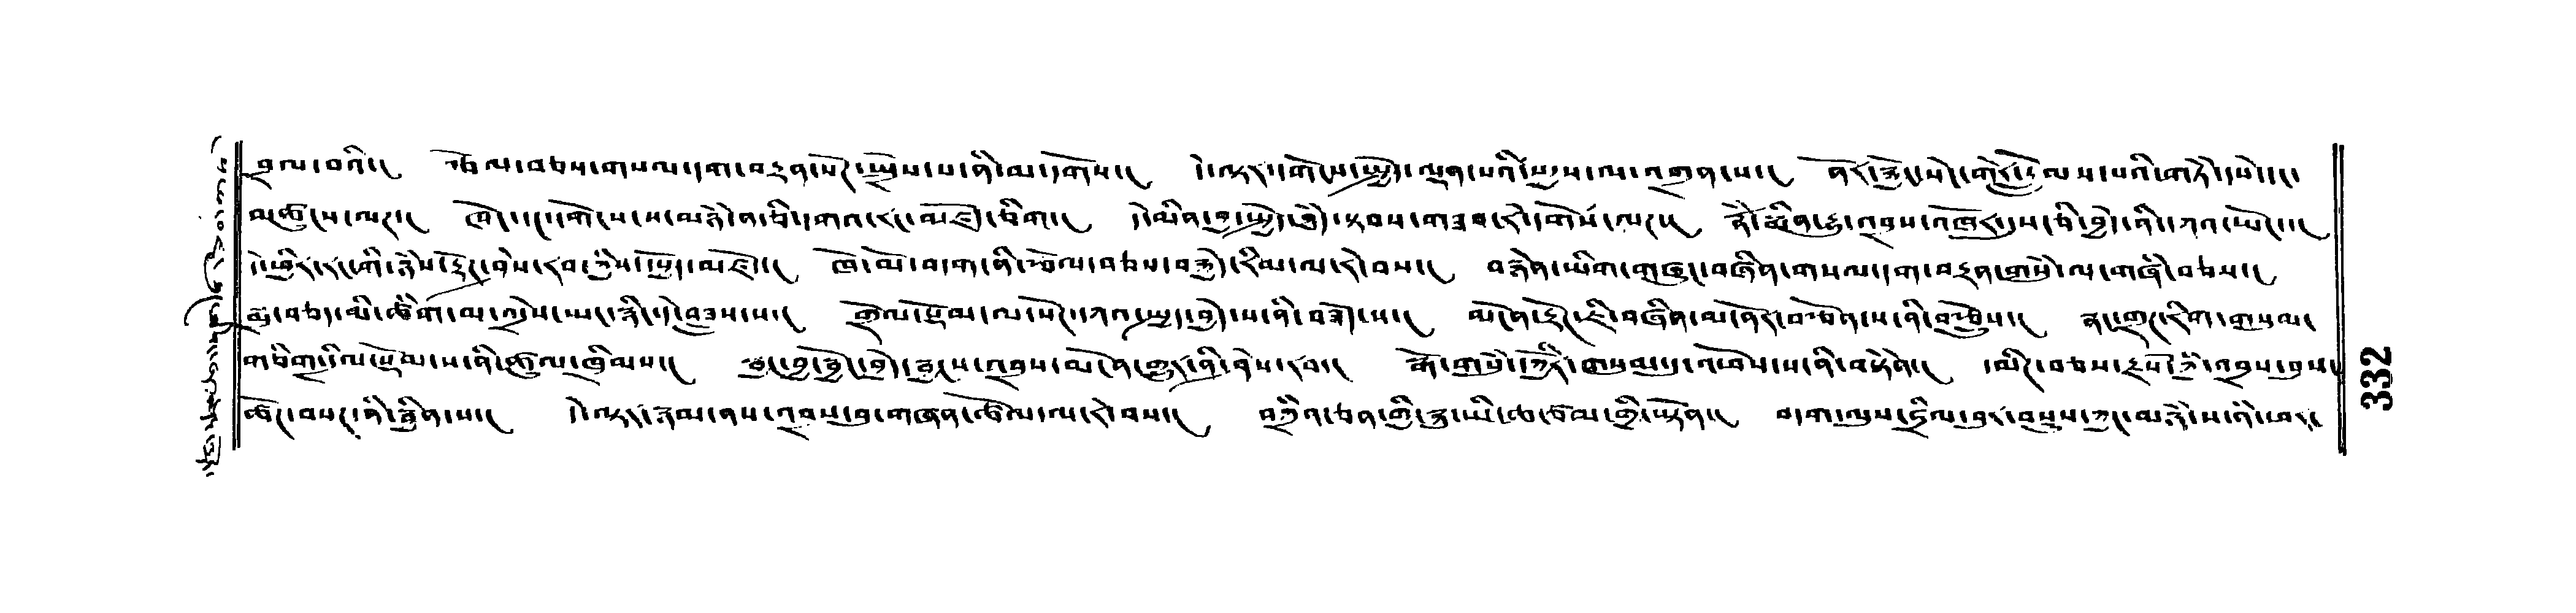བྲལ་བའི། །རྩོལ་བཅས་གསལ་དག་བརྟན་སོགས་སྤྲོས་པ་ནི་མི་དགོས། །དེ་ལྟར་དགོངས་སྤྱོད་ལྡན་པའི་སངས་རྒྱས་ལ་འགྲན་པ། །ནོར་སྐྱོང་སེང་གེར་རློམས་པའི་གཏམ་དཔེ་དང་
མཚུངས་ལགས། ཁོང་དང་དགོངས་པ་མཉམ་ན་ཅི་དགའ་རང་མཛོད་ཅིག །དེ་མིན་བྱ་སྤྱོད་ཐམས་ཅད་སྟབས་གཟབ་རེ་དགོས་ལགས། །རྣམ་སྨིན་རྒྱུ་འབྲས་འཁོར་དུས་ཅི་བྱེད་ནི་དཀའ་ཡོང་། །
དེ་ཕྱིར་རང་གི་ཉམས་རྟོགས་ཤེས་རབ་ཀྱིས་དཔྱོད་མཛོད། ཁོ་མོ་བདག་ནི་རྩོལ་བཅས་བསྐྱེད་རིམ་ལ་རེ་བས། །བསྙེན་ཡིག་གཞུང་བཞིན་གསལ་དག་བརྟན་གསུམ་ལ་གཞི་བཅས། །
སྨྲ་བཅད་མི་ཚིག་མ་འདྲེས་ཡང་སྙིང་དེ་བཟླས་པ། །གྲོལ་སྡོམ་ལ་སོགས་དཀའ་སྤྱད་བྱེད་པ་ནི་བཟོད་པ། །མངོན་རྟོགས་ཇི་བཞིན་མ་ནོར་བརྩོན་པ་ནི་བརྩོན་འགྲུས། །སྣང་གྲགས་རིག་གསུམ་
གཅིག་དྲིལ་སྡོམ་པ་ནི་ཚུལ་ཁྲིམས། །སྦྱང་བྱ་སྦྱོང་བྱེད་སྦྱངས་འབྲས་མངོན་གྱུར་ནི་ཤེས་རབ། །སྒོ་གསུམ་དཀྱིལ་འཁོར་གསུམ་དུ་འཕོས་པ་ནི་བསམ་གཏན། །དམིགས་བཅས་རྫས་ཀྱི་འབྲས་བུས་
ཚོགས་བསགས་ནི་སྦྱིན་པ། །དེ་ལྟར་སྙམ་ནས་འབྲས་བུ་གཞན་འཚོལ་ལ་རེ་བས། །བཀའ་དྲྀན་ཅན་གྱི་སྐུ་ཡི་ཆ་ཙམ་གྱི་ཡོན་ཏན། །བདག་ལུས་ཧྲིལ་བུར་བསྡུར་ཀྱང་མཉམ་པ་ནི་ཕར་